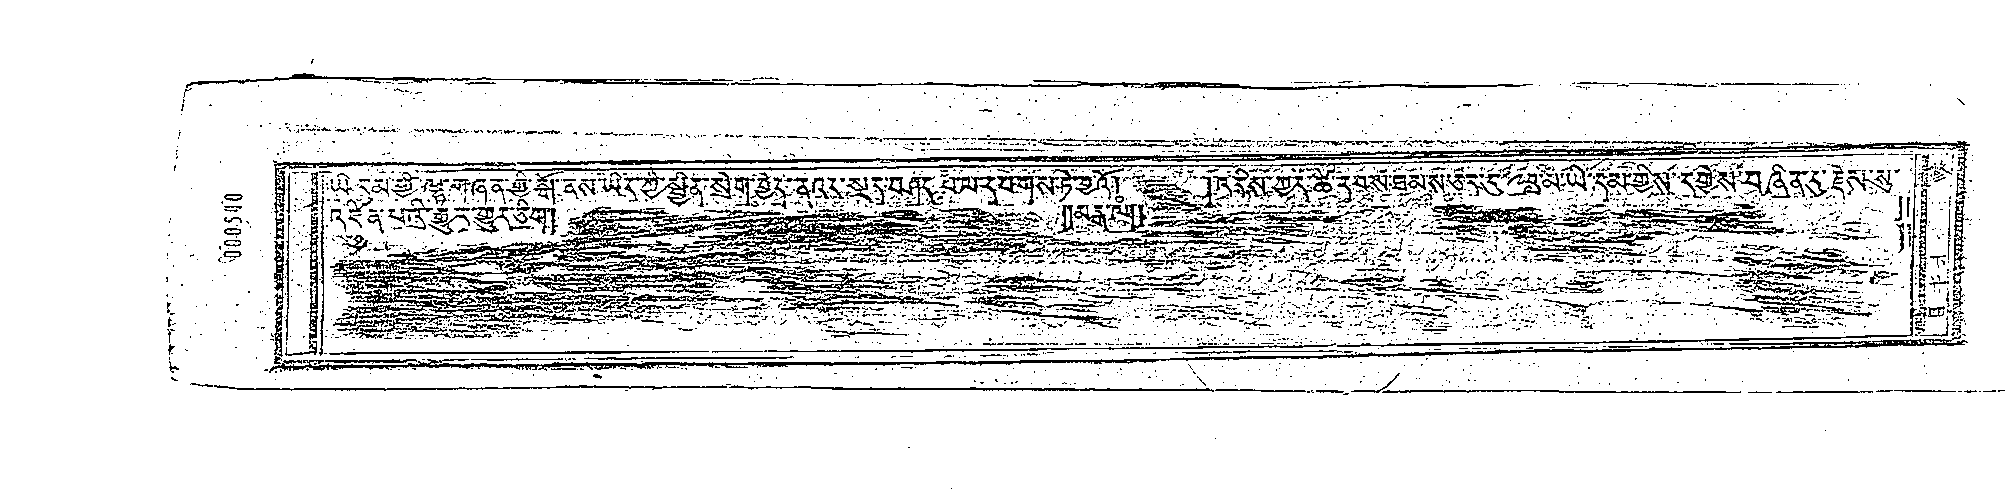ཡི་དམ་གྱི་ལྷ་གཞན་གྱི་སྒོ་ནས་ཡིད་ཀྱི་སྦྱིན་སྲེག་བྱད་ནའང་སྔད་བཤད་པ་ལ་དཔགས་ཏེ་བྱའོ། །འདིས་ཀྱང་ཚེ་རབས་ཐམས་ཅད་དུ་༧་བླ་མ་ཡི་དམ་གྱིས་དགྱེས་བཞིན་དུ་རྗེས་སུ་
འཛིན་པའི་རྒྱུར་གྱུར་ཅིག། །།མངྒ་ལཾ།། །།
༧་།།